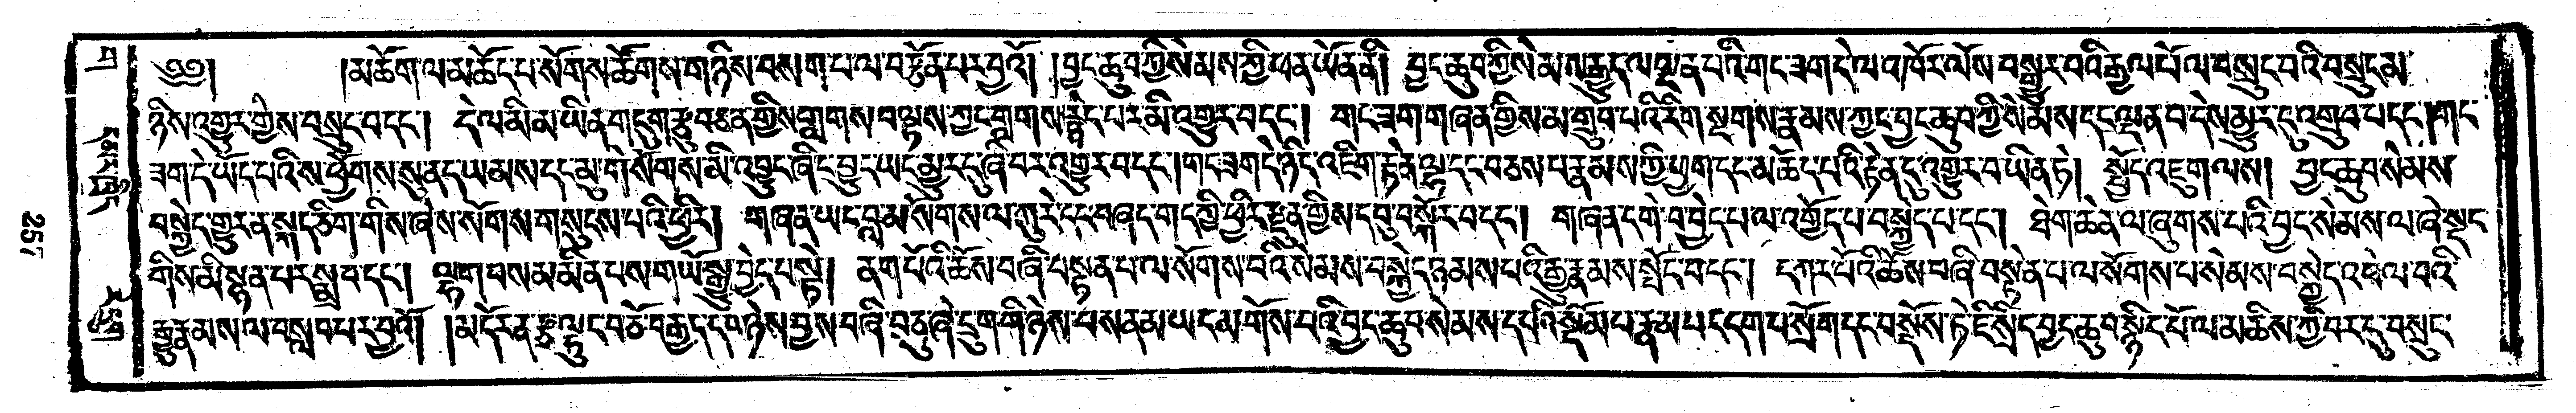༄༅། །མཆོག་ལ་མཆོད་པ་སོགས་ཚོགས་གཉིས་བསག་པ་ལ་བརྩོན་པར་བྱའོ། །བྱང་ཆུབ་ཀྱི་སེམས་ཀྱི་ཕན་ཡོན་ནི། །བྱང་ཆུབ་ཀྱི་སེམས་རྒྱུད་ལ་ལྡན་པའི་གང་ཟག་དེ་ལ་འཁོར་ལོས་བསྒྱུར་བའི་རྒྱལ་པོ་ལ་བསྲུང་བའི་བསྲུང་མ་
ཉིས་འགྱུར་གྱིས་བསྲུང་བ་དང་། དེ་ལ་མི་མ་ཡིན་གདུག་རྩུབ་ཅན་གྱིས་གླགས་བལྟས་ཀྱང་གླགས་རྙེད་པར་མི་འགྱུར་བ་དང་། གང་ཟག་གཞན་གྱིས་མ་གྲུབ་པའི་རིག་སྔགས་རྣམས་ཀྱང་བྱང་ཆུབ་ཀྱི་སེམས་དང་ལྡན་པ་དེས་མྱུར་དུ་འགྲུབ་པ་དང་། གང་
ཟག་དེ་ཡོད་པའི་ས་ཕྱོགས་སུ་ནད་ཡམས་དང་མུ་གེ་སོགས་མི་འབྱུང་ཞིང་བྱུང་ཡང་མྱུར་དུ་ཞི་བར་འགྱུར་བ་དང་། གང་ཟག་དེ་ཉིད་འཇིག་རྟེན་ལྷ་དང་བཅས་པ་རྣམས་ཀྱི་ཕྱག་དང་མཆོད་པའི་རྟེན་དུ་འགྱུར་བ་ཡིན་ཏེ། སྤྱོད་འཇུག་ལས། བྱང་ཆུབ་སེམས་
བསྐྱེད་གྱུར་ན་སྐད་ཅིག་གིས་ཞེས་སོགས་གསུངས་པའི་ཕྱིར། གཞན་ཡང་བླ་མ་སོགས་ལ་ཀུ་རེ་དང་བཞད་གང་ཀྱི་ཕྱིར་རྫུན་གྱིས་དབུ་བསྐོར་བ་དང་། གཞན་དགེ་བ་བྱེད་པ་ལ་འགྱོད་པ་བསྐྱེད་པ་དང་། ཐེག་ཆེན་ལ་ཞུགས་པའི་བྱང་སེམས་ལ་ཞེས་སྡང་
གིས་མི་སྙན་པར་སྨྲ་བ་དང་། ལྷག་བསམ་མིན་པས་གཡོ་སྒྱུ་བྱེད་པ་སྟེ། ནག་པོའི་ཆོས་བཞི་བསྟན་པ་ལ་སོགས་པའི་སེམས་བསྐྱེད་ཉམས་པའི་རྒྱུ་རྣམས་སྤོང་བ་དང་། དཀར་པོའི་ཆོས་བཞི་བསྟེན་པ་ལ་སོགས་པ་སེམས་བསྐྱེད་འཕེལ་བའི་
རྒྱུ་རྣམས་ལ་བསླབ་པར་བྱའོ། །མདོར་ན་རྩ་ལྟུང་བཅོ་བརྒྱད་དབ་ཉེས་བྱས་བཞི་བཅུ་ཞེ་དྲུག་གི་ཉེས་པས་ནམ་ཡང་མགོས་པའི་བྱང་ཆུབ་སེམས་དཔའི་སྡོམ་པ་རྣམ་པར?་དག་པ་སྲོག་དང་བསྡོས་ཏེ་ཇི་སྲིད་བྱང་ཆུབ་སྙིང་པོ་ལ་མཆིས་ཀྱི་བར་དུ་བསྲུང་